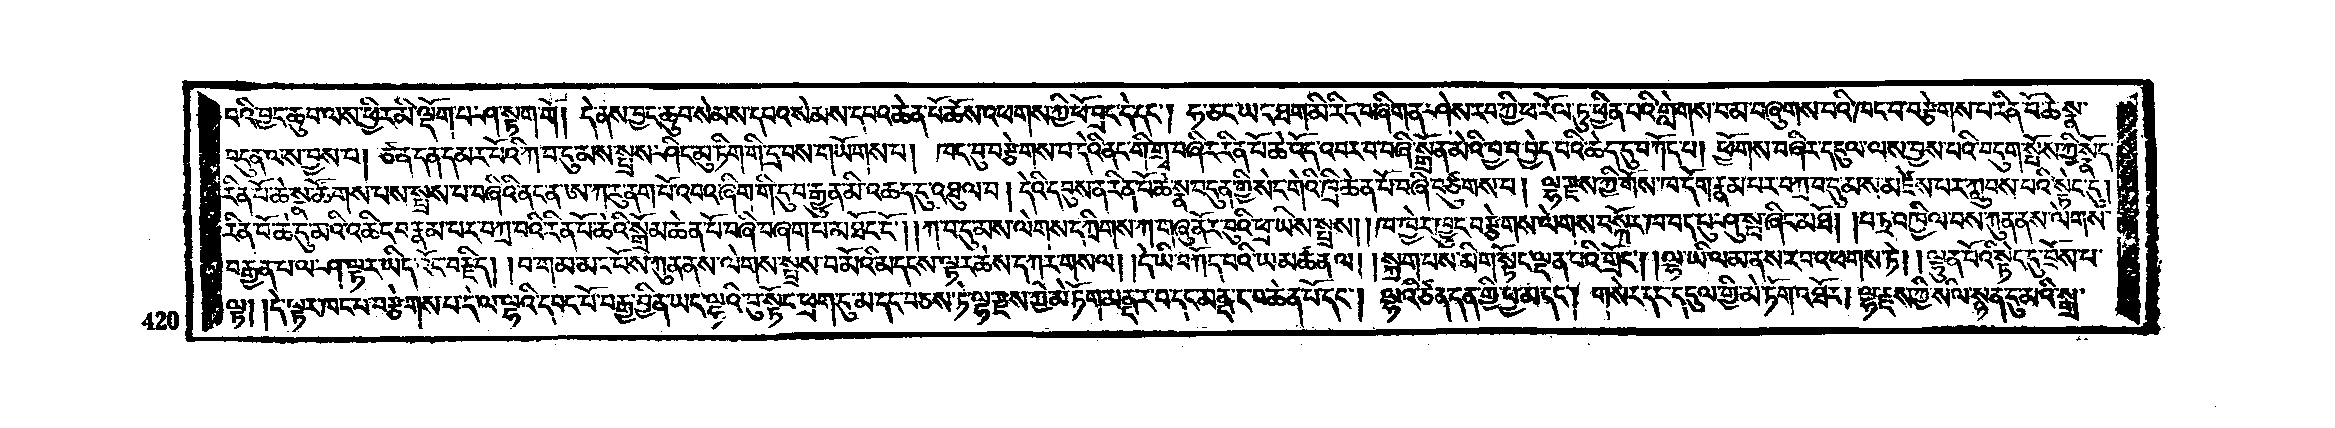པའི་བྱང་ཆུབ་ལས་ཕྱིར་མི་ལྡོག་པ་ཤ་སྟག་གོ །དེ་ནས་བྱང་ཆུབ་སེམས་དཔའ་སེམས་དཔའ་ཆེན་པོ་ཆོས་འཕགས་ཀྱི་ཕོ་བྲང་དེ་དང་། ཧ་ཅང་ཡང་ཐག་མི་རིང་བ་ཞིག་ན་ཤེས་རབ་ཀྱི་ཕ་རོལ་ཏུ་ཕྱིན་པའི་གླེགས་བམ་བཞུགས་པའི་ཁང་པ་བརྩེགས་པ་རིན་པོ་ཆེ་སྣ་
བདུན་ལས་བྱས་པ། ཙན་དན་དམར་པོའི་ཀ་བ་དུ་མས་སྤྲས་ཤིང་མུ་ཏིག་གི་དྲ་བས་གཡོགས་པ། ཁང་བུ་བརྩེགས་པ་དེའི་ནང་གི་གྲྭ་བཞིར་རིན་པོ་ཆེ་འོད་འབར་བ་བཞི་སྒྲོན་མེའི་བྱ་བ་བྱེད་པའི་ཆེད་དུ་བཀོད་པ། ཕྱོགས་བཞིར་དངུལ་ལས་བྱས་པའི་བདུག་སྤོས་ཀྱི་སྣོད་
རིན་པོ་ཆེ་སྣ་ཚོགས་པས་སྤྲས་པ་བཞིའི་ནང་ན་ཨ་ཀ་རུ་ནག་པོ་འབའ་ཞིག་གི་དུ་བ་རྒྱུན་མི་འཆད་དུ་འཐུལ་བ། དེའི་དབུས་ན་རིན་པོ་ཆེ་སྣ་བདུན་གྱི་སེང་གེའི་ཁྲི་ཆེན་པོ་བཞི་བཙུགས་པ། ལྷ་རྫས་ཀྱི་གོས་ཁ་དོག་རྣམ་པར་བཀྲ་བ་དུ་མས་མཛེས་པར་ཀླུབས་པའི་སྟེང་དུ།
རིན་པོ་ཆེ་དུ་མའི་འཆིང་བ་རྣམ་པར་བཀྲ་བའི་རིན་པོ་ཆེའི་སྒྲོམ་ཆེན་པོ་བཞི་བཞག་པ་མཐོང་ངོ། །ཀ་བ་དུ་མས་ལེགས་དཀྲིགས་ཀ་གཞུ་ནོར་བུའི་ཕྲ་ཡིས་སྤྲས། །ཁ་ཁྱེར་ཁྱུང་བརྩེགས་ལེགས་བསྐོར་ཁ་བད་པུ་ཤུ་སྤ་ཞིང་མཐོ། །པ་ཏྲ་འཁྱིལ་བས་ཀུན་ནས་ལེགས་
བརྒྱན་པ་ལ་ཤ་ལྟར་ཡིད་འོང་བརྗིད། །བ་གམ་མང་པོས་ཀུན་ནས་ལེགས་སྤྲས་བ་མོའི་མདངས་ལྟར་ཆེས་དཀར་གསལ། །དེ་ཡི་བཀོད་པའི་ཡ་མཚན་ལ། །སྐྲག་པས་མིག་སྟོང་ལྡན་པའི་གྲོང་། །ལྷ་ཡི་ལམ་ནས་རབ་འཕགས་ཏེ། །ལྷུན་པོའི་སྟེང་དུ་བྲོས་པ་
ལྟ། །དེ་ལྟར་ཁང་པ་བརྩེགས་པ་དེ་ལ་ལྷའི་དབང་པོ་བརྒྱ་བྱིན་ཡང་ལྷའི་བུ་སྟོང་ཕྲག་དུ་མ་དང་བཅས་ཏེ་ལྷ་རྫས་ཀྱི་མེ་ཏོག་མནྡ་ར་བ་དང་མནྡ་ར་བ་ཆེན་པོ་དང་། ལྷའི་ཙན་དན་གྱི་ཕྱེ་མ་དང་། གསེར་དང་དངུལ་གྱི་མེ་ཏོག་འཐོར། ལྷ་རྫས་ཀྱི་སིལ་སྙན་དུ་མའི་སྒྲ་